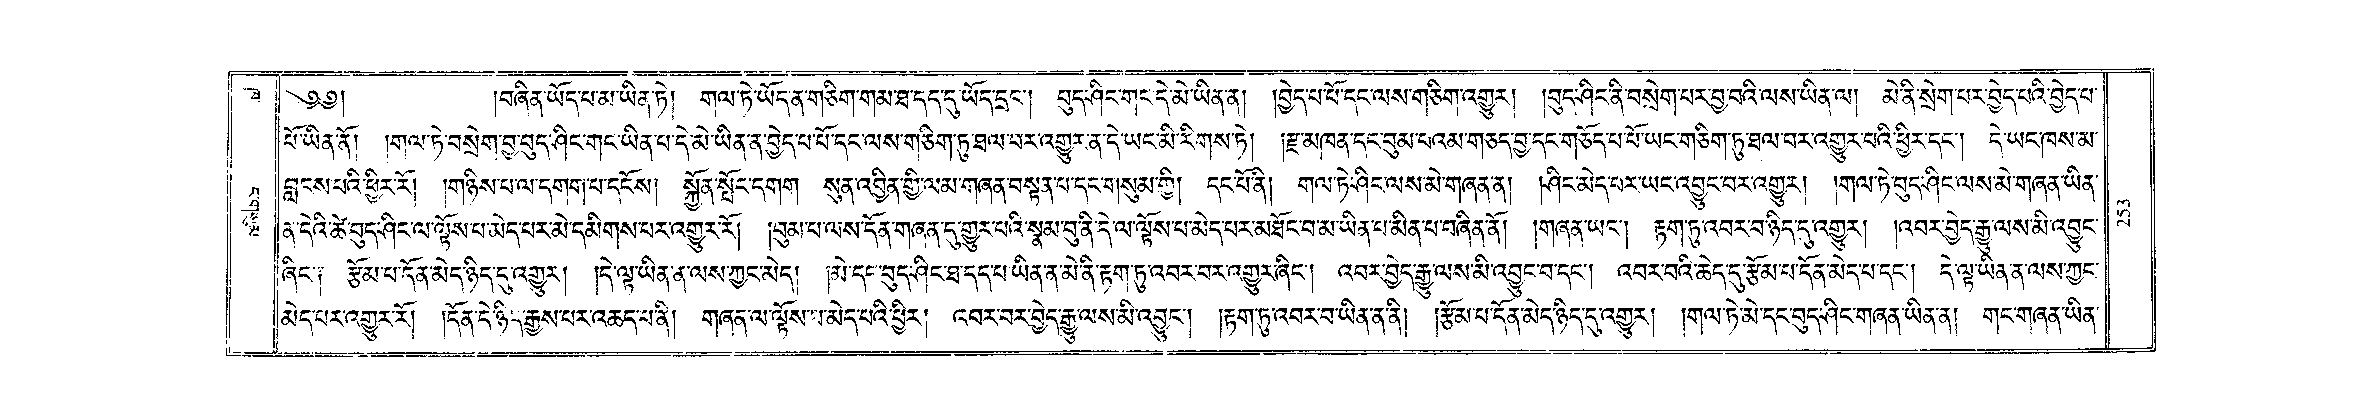༄༅། །བཞིན་ཡོད་པ་མ་ཡིན་ཏེ། གལ་ཏེ་ཡོད་ན་གཅིག་གམ་ཐ་དད་དུ་ཡོད་དྲང་། བུད་ཤིང་གང་དེ་མེ་ཡིན་ན། །བྱེད་པ་པོ་དང་ལས་གཅིག་འགྱུར། །བུད་ཤིང་ནི་བསྲེག་པར་བྱ་བའི་ལས་ཡིན་ལ། མེ་ནི་སྲེག་པར་བྱེད་པའི་བྱེད་པ་
པོ་ཡིན་ནོ། །གལ་ཏེ་བསྲེག་བྱ་བུད་ཤིང་གང་ཡིན་པ་དེ་མེ་ཡིན་ན་བྱེད་པ་པོ་དང་ལས་གཅིག་ཏུ་ཐལ་བར་འགྱུར་ན་དེ་ཡང་མི་རིགས་ཏེ། །རྫ་མཁན་དང་བུམ་པའམ་གཅད་བྱ་དང་གཅོད་པ་པོ་ཡང་གཅིག་ཏུ་ཐལ་བར་འགྱུར་བའི་ཕྱིར་དང་། དེ་ཡང་ཁས་མ་
བླངས་པའི་ཕྱིར་རོ། །གཉིས་པ་ལ་དགག་པ་དངོས། སྐྱོན་སྤོང་དགག་སུན་འབྱིན་གྱི་ལམ་གཞན་བསྟན་པ་དང་གསུམ་གྱི། དང་པོ་ནི། གལ་ཏེ་ཤིང་ལས་མེ་གཞན་ན། །ཤིང་མེད་པར་ཡང་འབྱུང་བར་འགྱུར། །གལ་ཏེ་བུད་ཤིང་ལས་མེ་གཞན་ཡིན་
ན་དེའི་ཚེ་བུད་ཤིང་ལ་ལྟོས་པ་མེད་པར་མེ་དམིགས་པར་འགྱུར་རོ། །བུམ་པ་ལས་དོན་གཞན་དུ་གྱུར་པའི་སྣམ་བུ་ནི་དེ་ལ་ལྟོས་པ་མེད་པར་མཐོང་བ་མ་ཡིན་པ་མིན་པ་བཞིན་ནོ། །གཞན་ཡང་། རྟག་ཏུ་འབར་བ་ཉིད་དུ་འགྱུར། །འབར་བྱེད་རྒྱུ་ལས་མི་འབྱུང་
ཞིང༑ རྩོམ་པ་དོན་མེད་ཉིད་དུ་འགྱུར། །དེ་ལྟ་ཡིན་ན་ལས་ཀྱང་མེད། །མེ་དང་བུད་ཤིང་ཐ་དད་པ་ཡིན་ན་མེ་ནི་རྟག་ཏུ་འབར་བར་འགྱུར་ཞིང་། འབར་བྱེད་རྒྱུ་ལས་མི་འབྱུང་བ་དང་། འབར་བའི་ཆེད་དུ་རྩོམ་པ་དོན་མེད་པ་དང་། དེ་ལྟ་ཡིན་ན་ལས་ཀྱང་
མེད་པར་འགྱུར་རོ། །དོན་དེ་ཉིད་རྒྱས་པར་འཆད་པ་ནི། གཞན་ལ་ལྟོས་པ་མེད་པའི་ཕྱིར། འབར་བར་བྱེད་རྒྱུ་ལས་མི་འབྱུང་། །རྟག་ཏུ་འབར་བ་ཡིན་ན་ནི། །རྩོམ་པ་དོན་མེད་ཉིད་དུ་འགྱུར། །གལ་ཏེ་མེ་དང་བུད་ཤིང་གཞན་ཡིན་ན། གང་གཞན་ཡིན་